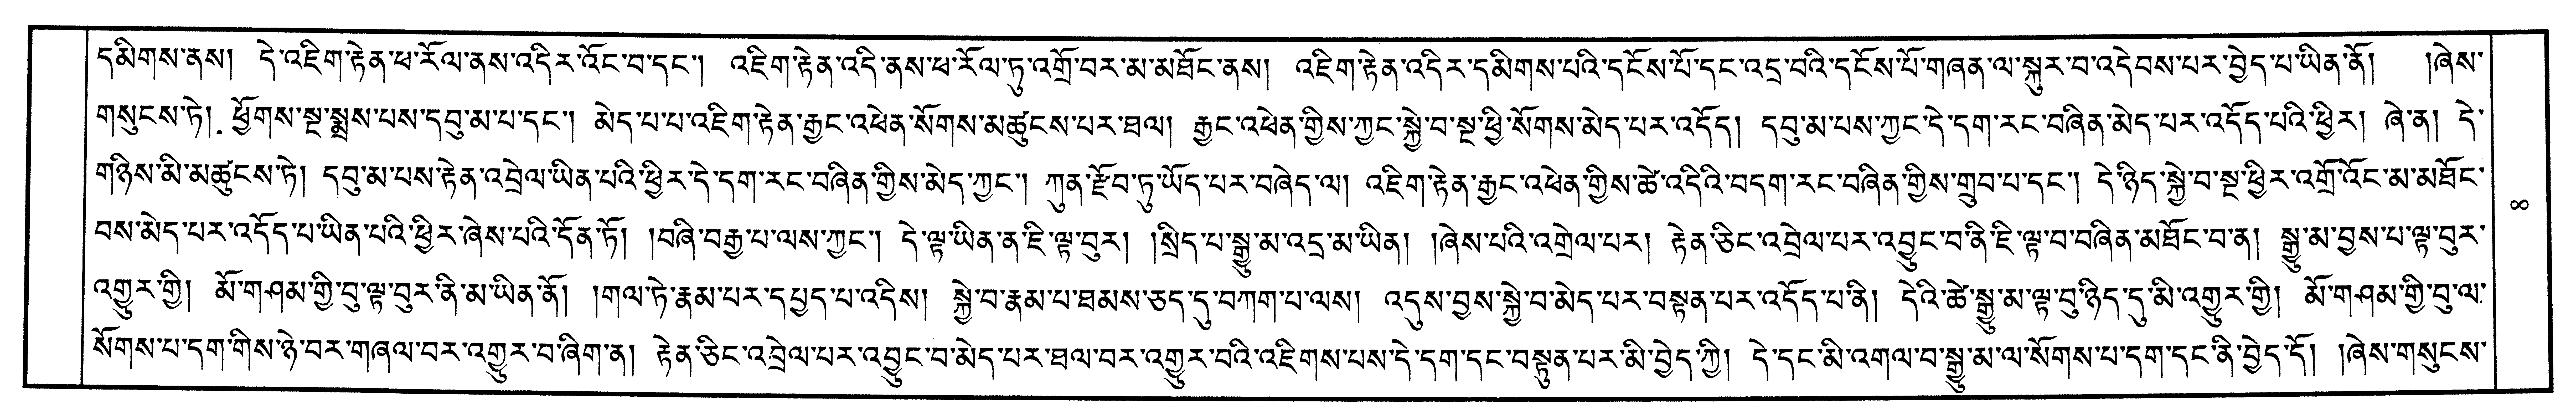དམིགས་ནས། དེ་འཇིག་རྟེན་ཕ་རོལ་ནས་འདིར་འོང་བ་དང་། འཇིག་རྟེན་འདི་ནས་ཕ་རོལ་ཏུ་འགྲོ་བར་མ་མཐོང་ནས། འཇིག་རྟེན་འདིར་དམིགས་པའི་དངོས་པོ་དང་འདྲ་བའི་དངོས་པོ་གཞན་ལ་སྐུར་བ་འདེབས་པར་བྱེད་པ་ཡིན་ནོ། །ཞེས་
གསུངས་ཏེ། ཕྱོགས་སྔ་སྨྲས་པས་དབུ་མ་པ་དང་། མེད་པ་པ་འཇིག་རྟེན་རྒྱང་འཕེན་སོགས་མཚུངས་པར་ཐལ། རྒྱང་འཕེན་གྱིས་ཀྱང་སྐྱེ་བ་སྔ་ཕྱི་སོགས་མེད་པར་འདོད། དབུ་མ་པས་ཀྱང་དེ་དག་རང་བཞིན་མེད་པར་འདོད་པའི་ཕྱིར། ཞེ་ན། དེ་
གཉིས་མི་མཚུངས་ཏེ། དབུ་མ་པས་རྟེན་འབྲེལ་ཡིན་པའི་ཕྱིར་དེ་དག་རང་བཞིན་གྱིས་མེད་ཀྱང་། ཀུན་རྫོབ་ཏུ་ཡོད་པར་བཞེད་ལ། འཇིག་རྟེན་རྒྱང་འཕེན་གྱིས་ཚེ་འདིའི་བདག་རང་བཞིན་གྱིས་གྲུབ་པ་དང་། དེ་ཉིད་སྐྱེ་བ་སྔ་ཕྱིར་འགྲོ་འོང་མ་མཐོང་
བས་མེད་པར་འདོད་པ་ཡིན་པའི་ཕྱིར་ཞེས་པའི་དོན་ཏོ། །བཞི་བརྒྱ་པ་ལས་ཀྱང་། དེ་ལྟ་ཡིན་ན་ཇི་ལྟ་བུར། །སྲིད་པ་སྒྱུ་མ་འདྲ་མ་ཡིན། །ཞེས་པའི་འགྲེལ་པར། རྟེན་ཅིང་འབྲེལ་པར་འབྱུང་བ་ནི་ཇི་ལྟ་བ་བཞིན་མཐོང་བ་ན། སྒྱུ་མ་བྱས་པ་ལྟ་བུར་
འགྱུར་གྱི། མོ་གཤམ་གྱི་བུ་ལྟ་བུར་ནི་མ་ཡིན་ནོ། །གལ་ཏེ་རྣམ་པར་དཔྱད་པ་འདིས། སྐྱེ་བ་རྣམ་པ་ཐམས་ཅད་དུ་བཀག་པ་ལས། འདུས་བྱས་སྐྱེ་བ་མེད་པར་བསྟན་པར་འདོད་པ་ནི། དེའི་ཚེ་སྒྱུ་མ་ལྟ་བུ་ཉིད་དུ་མི་འགྱུར་གྱི། མོ་གཤམ་གྱི་བུ་ལ་
སོགས་པ་དག་གིས་ཉེ་བར་གཞལ་བར་འགྱུར་བ་ཞིག་ན། རྟེན་ཅིང་འབྲེལ་པར་འབྱུང་བ་མེད་པར་ཐལ་བར་འགྱུར་བའི་འཇིགས་པས་དེ་དག་དང་བསྟུན་པར་མི་བྱེད་ཀྱི། དེ་དང་མི་འགལ་བ་སྒྱུ་མ་ལ་སོགས་པ་དག་དང་ནི་བྱེད་དོ། །ཞེས་གསུངས་